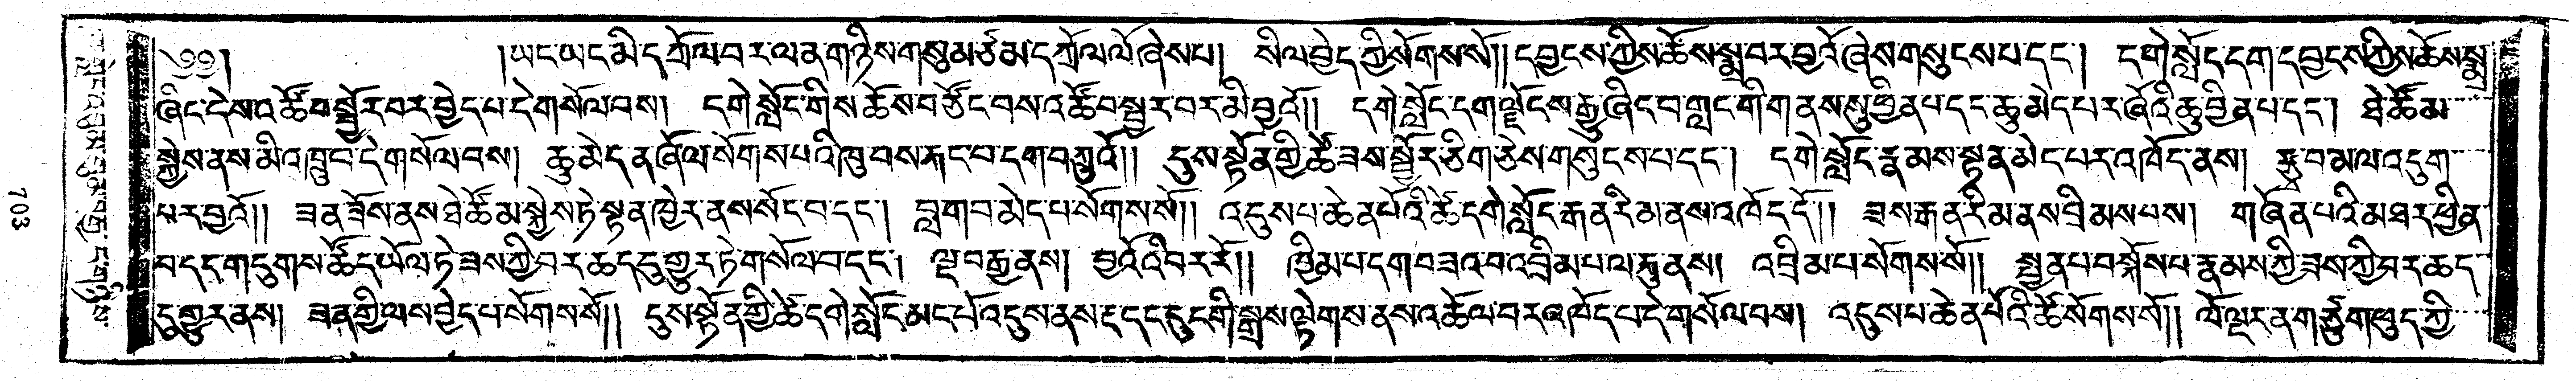༄༅། །ཡང་ཡང་མི་དཀྲོལ་བར་ལན་གཉིས་གསུམ་ཙམ་དཀྲོལ་ལོ་ཞེས་པ། སིལ་བྱེད་ཀྱི་སོགས་སོ།། དབྱངས་ཀྱིས་ཆོས་སྨྲ་བར་བྱའོ་ཞེས་གསུངས་པ་དང་། དགེ་སློང་དག་དབྱངས་ཀྱིས་ཆོས་སྨྲ་
ཞིང་དེས་འཚོ་བ་སྦྱོར་བར་བྱེད་པ་དེ་གསོལ་བས། དགེ་སློང་གིས་ཆོས་བཙོང་བས་འཚོ་བ་སྦྱར་བར་མི་བྱའོ།། དགེ་སློང་དག་ལྗོངས་རྒྱུ་ཞིང་བ་གླང་གི་གནས་སུ་ཕྱིན་པ་དང་ཆུ་མེད་པར་ཞོའི་ཆུ་བྱིན་པ་དང་། ཐེ་ཚོམ་
སྐྱེས་ནས་མི་འཁྲུ་བ་དེ་གསོལ་བས། ཆུ་མེད་ན་ཞོལ་སོགས་པའི་ཁུ་བས་རྐང་པ་དག་བཀྲུའོ།། དུས་སྟོན་གྱི་ཚེ་ཟས་སྦྱོར་ཅིག་ཅེས་གསུངས་པ་དང་། དགེ་སློང་རྣམས་སྟན་མེད་པར་འཁོད་ནས། རྩྭ་བ་མ་ལ་འདུག་
པར་བྱའོ།། ཟན་ཟོས་ནས་ཐེ་ཚོམ་སྐྱེས་ཏེ་སྟན་ཁྱེར་ནས་སོང་བ་དང་། བླ་གབ་མེད་པ་སོགས་སོ།། འདུས་པ་ཆེན་པོའི་ཚེ་དགེ་སློང་རྒན་རིམ་ནས་འཁོད་དོ།། ཟས་རྒན་རིམ་ནས་བྲིམས་པས། གཞོན་པའི་མཐར་ཕྱིན་
བ་དང་གདུགས་ཚོད་ཡོལ་ཏེ་ཟས་ཀྱི་བར་ཆད་དུ་གྱུར་ཏེ་གསོལ་བ་དང་། ལྔ་བརྒྱ་ནས། བྱའོའི་བར་རོ།། ཁྱིམ་པ་དག་བཟའ་བ་འབྲིམ་པ་ལ་རྐུ་ནས། འབྲིམ་པ་སོགས་སོ།། སྤྱན་པ་བསྐོས་པ་རྣམས་ཀྱི་ཟས་ཀྱི་བར་ཆད་
དུ་གྱུར་ནས། ཟན་གྱི་ལས་བྱེད་པ་སོགས་སོ།། དུས་སྟོན་གྱི་ཚེ་དགེ་སློང་མང་པོ་འདུས་ནས་རྔ་དང་དུང་གི་སྒྲས་ལྟེགས་ནས་འཆོལ་བར་འཁོད་པ་དེ་གསོལ་བས། འདུས་པ་ཆེན་པོའི་ཚེ་སོགས་སོ།། ལོ་ལྔར་ན་གཙུག་ཕུད་ཀྱི་